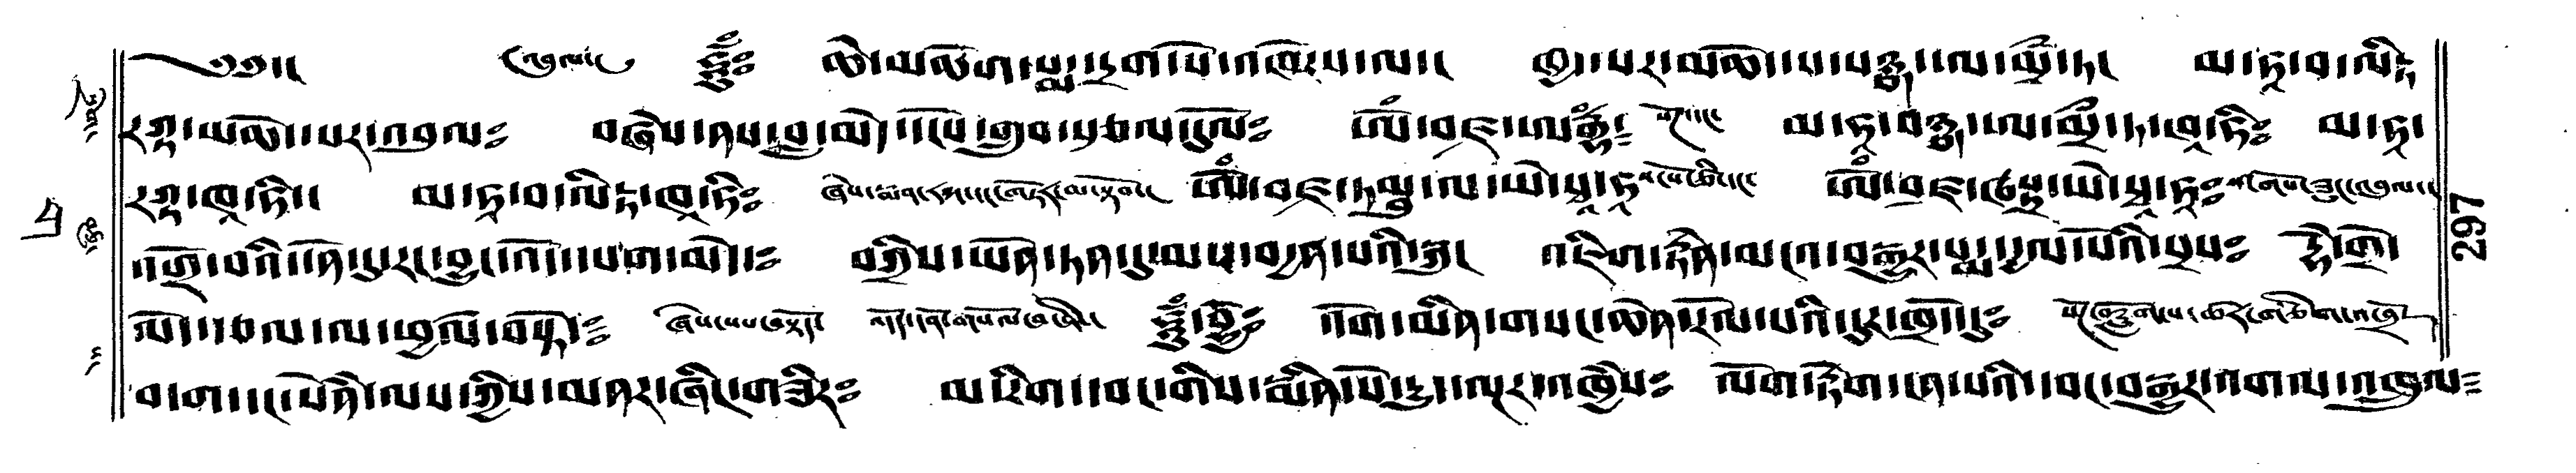འབུལ། ཧཱུྃ༔ ཆེ་མཆོག་པདྨ་དྲག་པོ་འཁོར་བཅས་ལ༔ ཁྱད་པར་མཆོད་པ་པཉྩ་ཨ་མྲྀ་ཏ༔ མ་ཧཱ་བཱ་ལིང་
རཀྟ་མཆོད་པར་འབུལ༔ བཞེས་ནས་བླ་མེད་དངོས་གྲུབ་སྩལ་དུ་གསོལ༔ ཨོཾ་བཛྲ་ཨརྒྷཾ༴ སོགས་དང་། མ་ཧཱ་
པཉྩ་ཨ་མྲྀ་ཏ་ཁཱ་ཧིཿ མ་ཧཱ་རཀྟ་ཁཱ་ཧིཿ མཧཱ་བ་ལིངྟ་ཁཱ་ཧིཿ ཞེས་སྨན་རཀ་གཏོར་མ་སྟོབ། ཨོཾ་བཛྲ་ཏམྦུ་ལ་ཡེ་སྭ་ཧཱ ཿས་སོ་ཙི་དང་། ཨོཾ་བཛྲ་ཝསྟྲ་ཡེ་སྭ་ཧཱཿ ས་གོས་ཟུང་འབུལ། 
འགྲོ་བའི་དོན་དུ་རང་བྱུང་འོད་དཔག་མེད༔ བཀྲ་ཤིས་ཡོན་ཏན་དུ་མས་བརྒྱན་པའི་སྐུ༔ འཇིག་རྟེན་མངའ་བསྒྱུར་པདྨ་རྒྱལ་པོའི་སྲས༔ རྡོ་རྗེ་གྲོ་
ལོད་རྩལ་ལ་ཕྱག་འཚལ་བསྟོད༔ ཞེས་པས་བསྟོད། འདོད་དོན་གསོལ་བ་ནི། ཧཱུྃ་བྷྱོཿ འོག་མིན་གསང་ཆེན་རོལ་པའི་དུར་ཁྲོད་དུ༔ སོགས་བཟློག་པ་ཚར་གཅིག་འཕྲོས། 
བདག་དང་སེམས་ཅན་ལས་ཀྱིས་མནར་ཞིང་གཟིར༔ མ་རིག་དབང་གིས་སྨིན་པོ་རྒྱུད་ལྔར་འཁྱམས༔ ལོག་རྟོག་ངན་པའི་དབང་བསྒྱུར་འགལ་འཁྲུལ་